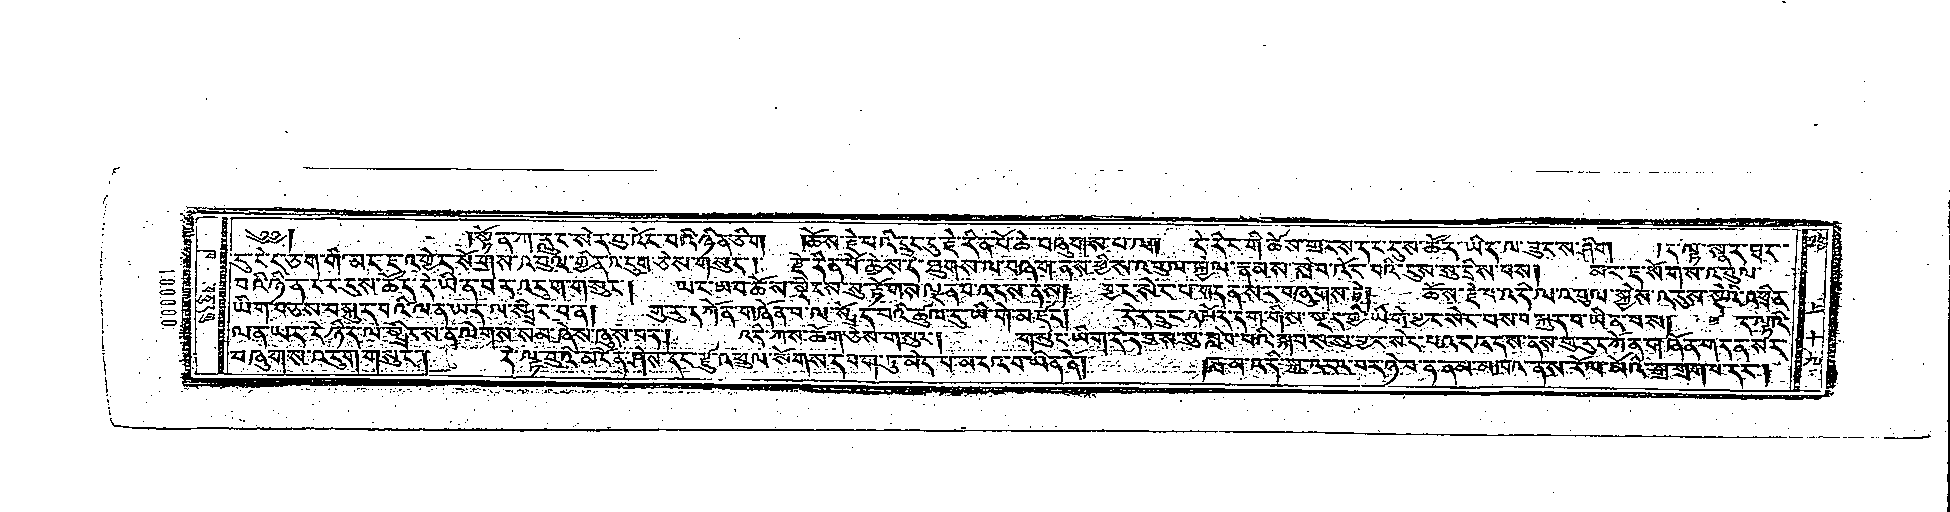༄༅། །སྟོན་ཀ་རླུང་སེར་བུ་འོང་བའི་ཉིན་ཅིག །ཆོས་རྗེ་བའི་དྲུང་དུ་རྗེ་རིན་པོ་ཆེ་བཞུགས་པ་ལ། དེ་རིང་གི་ཆོས་གྲངས་དང་དུས་ཚོད་ཡིད་ལ་ཟུངས་ཤིག །ད་ལྟ་སྣར་ཐང་
དུ་ངེད་ཅག་གི་མང་ཇ་འགྱེང་སོགས་འབུལ་གྱིན་འདུག་ཅེས་གསུང་། རྗེ་རིན་པོ་ཆེས་དེ་ཐུགས་ལ་བཞག་ནས་གྱིས་འབུལ་སྐྱེལ་རྣམས་སླེབ་འོད་བའི་དུས་སུ་དྲིས་བས། མང་ད་སོགས་འབུལ་
བའི་ཉིན་ངང་དུས་ཚོད་དེ་ཡིན་བར་འདུག་གསུང་། ཡང་ཡབ་ཆོས་སྡིངས་སུ་རྟོགས་ལྡན་པའངས་ནས། བྱང་སེམས་བ་གདན་སར་བཞུགས་ཏེ། ཆོས་རྗེལ་འདིལ་འབུལ་སྐྱེས་འདུས་སྡེའི་འཕྲིན་
ཡིག་བཅས་བསྐུར་བའི་ལན་ཡར་ལ་སྦྲིང་པ་ན། གུ་རུ་དཀོན་གཞོན་པ་ལ་སྤྲོད་བའི་ཚུལ་དུ་ཡི་གེ་མཛད། དེང་དྲུང་འཁོར་དག་གིས་སྔད་གྱི་ཡི་གེ་བྱང་སེང་པས་བསྐུར་བ་ཡིན་པས། ད་ལྟའི་
ལན་ཡང་དེ་ཉིད་ལ་སྤྲིངས་ན་ལེགས་སམ་ཞེས་ཞུས་བར། འདི་ཀས་ཆོག་ཅེས་གསུང་། གསུང་ཡིག་དེ་དབུས་སུ་སླེབ་པའི་སྐབས་སུ་བྱང་སེང་པའང་འདས་ནས་གུ་རུ་དཀོན་གཞོན་གདན་སར་
བཞུགས་འདུག་གསང་། དེ་ལྟ་བའི་མངོན་ཤེས་དང་རྫུ་འཕུལ་སོགས་དཔག་ཏུ་མེད་པ་མངའ་བ་ཡིན་ནོ། །བླ་མ་འདི་སྐུ་འདའ་བར་ཉ་བ་ན་ནམ་མཁའ་ནས་རོལ་མོའི་སྒྲ་གྲག་པ་དང་།